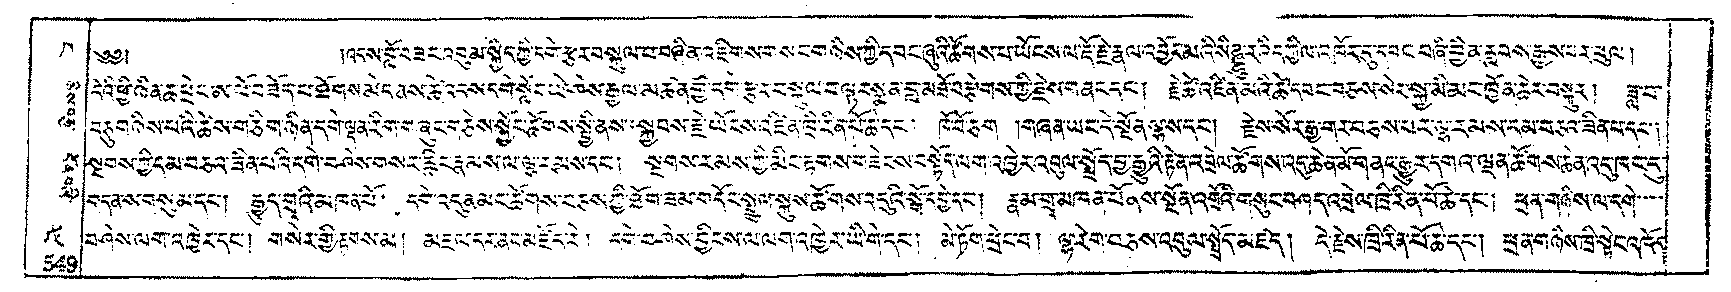༄༅། །འདས་བློ་བཟང་འབུམ་སྐྱིད་ཀྱི་དགེ་རྩར་བསྐུལ་བ་བཞིན་འཇིགས་གསང་གཉིས་ཀྱི་དབང་ཞུའི་ཚོགས་པ་ཡོངས་ལ་རྡོ་རྗེ་རྣལ་འབྱོར་མའི་སིནྡྷུ་རའི་དཀྱིལ་འཁོར་དུ་དབང་བཞི་བྱིན་རླབས་རྒྱས་པར་ཕུལ།
དེའི་ཕྱི་ཉིན་ཆ་ཕྲེང་ཨ་ཕོ་བཟོད་པ་ཐོགས་མེད་ནས་ཚེ་འདས་དགེ་སློང་ཡེ་ཤེས་རྒྱལ་མཚན་གྱི་དགེ་རྩར་བསྐུལ་བ་ལྟར་སྨན་བླ་མཐོ་བརྩེགས་ཀྱི་རྗེ་གནང་དང་། རྗེ་ཚེ་འཛིན་མའི་ཚེ་དབང་བཅས་སེར་སྐྱ་མི་མང་ཁྱོན་ཆེར་བསྐུར། ཟླ་བ་
བཅུ་གཉིས་པའི་ཚེས་གཅིག་ཉིན་དགེ་ལྡན་རིག་གཞུང་གཅེས་སྐྱོང་ཚོགས་སྤྱི་ནས་༧སྐྱབས་རྗེ་ཡོངས་འཛིན་ཁྲི་རིན་པོ་ཆེ་དང་། ཁོ་བོ་ཅག །གཞན་ཡང་དེ་སྔོན་ལྷ་ས་དང་། རྗེས་སོར་རྒྱ་གར་བཅས་པར་ལྷ་རམས་དམ་བཅའ་ཟིན་པ་དང་།
སྔགས་ཀྱི་དམ་བཅའ་ཟིན་པའི་དགེ་བཤེས་གསར་རྙིང་རྣམས་ལ་ལྷ་རམས་དང་། སྔགས་རམས་ཀྱི་མིང་རྟགས་གཟེངས་བསྟོད་ལག་འཁྱེར་འབུལ་སྤྲོད་བྱ་རྒྱུའི་རྟེན་འབྲེལ་ཚོགས་འདུ་ཆེན་མོ་གནང་རྒྱུར་དགའ་ལྡན་ཚོགས་ཆེན་འདུ་ཁང་དུ་
གདན་ས་གསུམ་དང་། རྒྱུད་གྲྭའི་མཁན་པོ། དགེ་འདུན་མང་ཚོགས་བཅས་ཀྱི་ཐོག་ཟམ་གདོང་སྤྲུལ་སྐུས་ཚོགས་འདུའི་སྒོ་དབྱེ་དང་། རྣམ་གྲྭ་མཁན་པོ་ནས་སྔོན་འགྲོའི་གསུང་བཤད་འབྲེལ་ཁྲི་རིན་པོ་ཆེ་དང་། ཕྲན་གཉིས་ལ་དགེ་
བཤེས་ལག་འཁྱེར་དང་། གསེར་གྱི་རྟགས་མ། མཇལ་དར་ནང་མཛོད་རེ། དགེ་བཤེས་བྱིངས་ལ་ལག་འཁྱེར་ཡི་གེ་དང་། མེ་ཏོག་ཕྲེང་བ། ལྷ་རེག་བཅས་འབུལ་སྤྲོད་མཛད། དེ་རྗེས་ཁྲི་རིན་པོ་ཆེ་དང་། ཕྲན་གཉིས་ཁྲི་སྟེང་འཁོད་